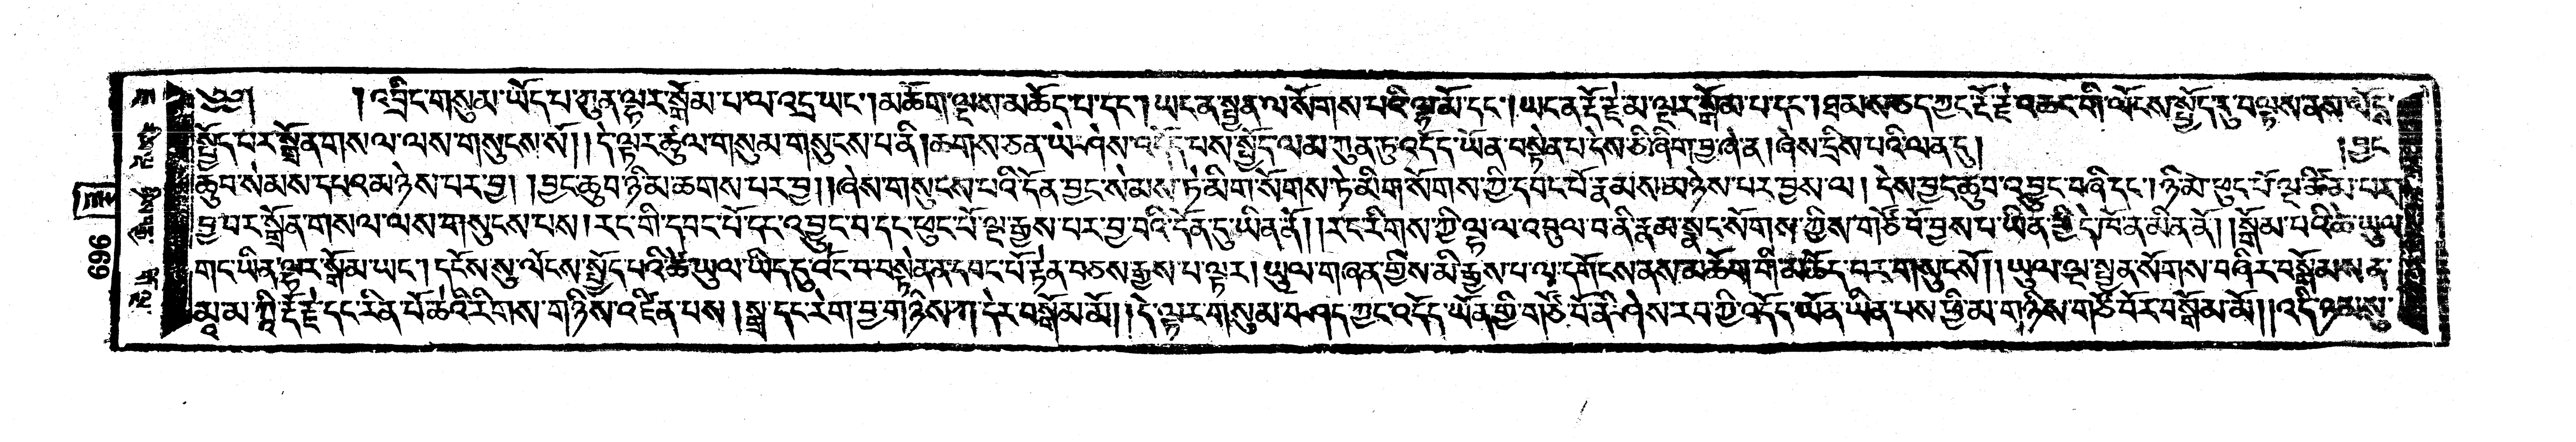༄༅། །འབྲིང་གསུམ་ཡོད་པ་ཀུན་ལྷར་སྒོམ་པ་ལ་འདྲ་ཡང་། མཆོག་ལྔས་མཆོད་པ་དང་། ཡང་ན་སྤྱན་ལ་སོགས་པའི་ལྷ་མོ་དང་། ཡང་ན་རྡོ་རྗེ་མ་ལྔར་སྒོམ་པ་དང་། ཐམས་ཅད་ཀྱང་རྡོ་རྗེ་འཆང་གི་ལོངས་སྤྱོད་དུ་བལྟས་ནས་ལོངས་
སྤྱོད་པར་སྒྲོན་གསལ་ལས་གསུངས་སོ། །དེ་ལྟར་ཚུལ་གསུམ་གསུངས་པ་ནི། ཆགས་ཅན་ཡེ་ཤེས་འདོད་པས་སྤྱོད་ལམ་ཀུན་ཏུ་འདོད་ཡོན་བསྟེན་པ་དེས་ཅི་ཞིག་བྱ་ཞེ་ན། ཞེས་དྲིས་པའི་ལན་དུ། །བྱང་
ཆུབ་སེམས་དཔའ་མཉེས་པར་བྱ། །བྱང་ཆུབ་ཉི་མ་ཆགས་པར་བྱ། །ཞེས་གསུངས་པའི་དོན་བྱང་སེམས་ཏེ་མིག་སོགས་ཏེ་མིག་སོགས་ཀྱི་དབང་པོ་རྣམས་མཉེས་པར་བྱས་ལ། དེས་བྱང་ཆུབ་འབྱུང་བཞི་དང་། ཉི་མ་ཕུང་པོ་ལྔ་ཚིམ་པར་
བྱ་བར་སྒྲོན་གསལ་ལས་གསུངས་པས། རང་གི་དབང་པོ་དང་འབྱུང་བ་དང་ཕུང་པོ་ལྔ་རྒྱས་པར་བྱ་བའི་དོན་དུ་ཡིན་ནོ། །རང་རིགས་ཀྱི་ལྷ་ལ་འབུལ་བ་ནི་རྣམ་སྣང་སོགས་ཀྱིས་གཙོ་བོ་བྱས་པ་ཡིན་གྱི་དེ་ཁོ་ན་མིན་ནོ། །སྒོམ་པའི་ཆ་ཡུལ་
གང་ཡིན་ལྷར་སྒོམ་ཡང་། དངོས་སུ་ལོངས་སྤྱོད་པའི་ཚེ་ཡུལ་ཡིད་དུ་འོང་བ་བསྟེན་ན་དབང་པོ་རྟེན་བཅས་རྒྱས་པ་ལྟར། ཡུལ་གཞན་གྱིས་མི་རྒྱས་པ་ལ་དགོངས་ནས་མཆོག་གི་མཆོད་པར་གསུངས་སོ། །ཡུལ་ལྔ་སྤྱན་སོགས་བཞིར་བསྒོམས་ན་
མཱ་མ་ཀཱི་རྡོ་རྗེ་དང་རིན་པོ་ཆེའི་རིགས་གཉིས་འཛིན་པས། སྐྲ་དང་རེག་བྱ་གཉིས་ཀ་དེར་བསྒོམ་མོ། །དེ་ལྟར་གསུམ་བཤད་ཀྱང་འདོད་ཡོན་གྱི་གཙོ་བོ་ནི་ཤེས་རབ་ཀྱི་འདོད་ཡོན་ཡིན་པས་ཕྱི་མ་གཉིས་གཙོ་བོར་བསྒོམ་མོ། །འདི་ཉམས་སུ་